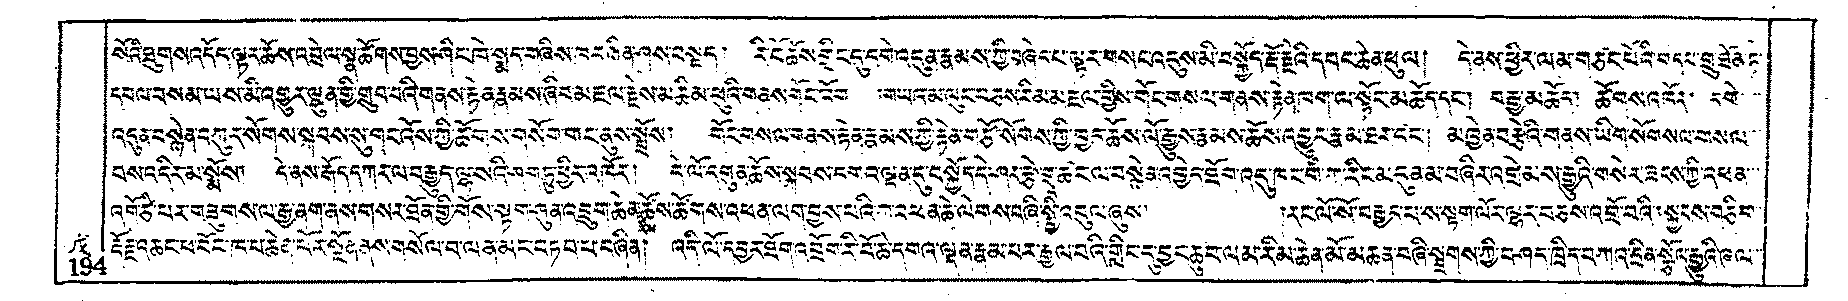སོའི་ཐུགས་འདོད་ལྟར་ཆོས་འབྲེལ་སྣ་ཚོགས་བྱས་ཤིང་ཁེ་སྨད་གཞིས་ཁར་ཉིན་ཤས་བསྡད། རི་བོ་ཆོས་གླིང་དུ་དགེ་འདུན་རྣམས་ཀྱི་བཞེད་པ་ལྟར་གསང་འདུས་མི་བསྐྱོད་རྡོ་རྗེའི་དབང་ཆེན་ཕུལ། དེ་ནས་ཕྱིར་ལམ་གཙང་པོའི་གད་པ་གྲུ་ཐོན་ཏེ་
དཔལ་བསམ་ཡས་མི་འགྱུར་ལྷུན་གྱི་གྲུབ་པའི་གནས་རྟེན་རྣམས་ཞིབ་མཇལ་རྗེས་མཆིམ་ཕུའི་གནས་གོང་འོག །གཡའ་མ་ལུང་བཅས་རིམ་མཇལ་གྱིས་གོང་གསལ་གནས་རྟེན་ཁག་ལ་སྟོང་མཆོད་དང་། བརྒྱ་མཆོད། ཚོགས་འཁོར། དགེ་
འདུན་བསྙེན་བཀུར་སོགས་སྐབས་སུ་གང་འོས་ཀྱི་ཚོགས་གསོག་གང་ནུས་སྤྲོས། གོང་གསལ་གནས་རྟེན་རྣམས་ཀྱི་རྟེན་གཙོ་སོགས་ཀྱི་ཁྱད་ཆོས་ལོ་རྒྱུས་རྣམས་ཆོས་འབྱུང་རྣམ་ཐར་དང་། མཁྱེན་བརྩེའི་གནས་ཡིག་སོགས་ལ་གསལ་
བས་འདིར་མ་སྨོས། དེ་ནས་རྒོད་དཀར་ལ་བརྒྱུད་ལྷ་སའི་ཤག་ཏུ་ཕྱིར་འཁོར། དེ་ལོ་དགུན་ཆོས་སྐབས་དགའ་ལྡན་དུ་བསྐྱོད་དེ་ཤར་རྩེ་གྲྭ་ཚང་ལ་བསྙེན་འགྱེད་ཐོག་འདུ་ཁང་གི་ཀ་རིང་མདུན་མ་བཞིར་འགྲེམས་རྒྱུའི་གསེར་ཟངས་ཀྱི་འཕན་
འགོ་ཙི་པར་གཟུགས་ལ་རྒྱ་ནག་ནས་གསར་ཐོན་གྱི་གོས་སྟག་ཤུན་འབྲུག་ཆེན་རིས་ཚོས་ཚོགས་འཕན་ལག་བྱས་པའི་ཀ་འཕན་ཆེ་ལེགས་བཞི་སྤྱི་འབུལ་ཞུས། །རང་ལོ་སོ་བརྒྱད་པ་ས་སྟག་ལོར་ལྷར་བཅས་འགྲོ་བའི་༧སྐྱབས་གཅིག་
རྡོ་རྗེ་འཆང་ཕ་བོང་ཁ་པ་ཆེན་པོར་སྔོན་ནས་གསོལ་བ་ལན་མང་བཏབ་པ་བཞིན། འདི་ལོ་དབྱར་ཐོག་འབྲོག་རི་བོ་ཆེ་དགའ་ལྡན་རྣམ་པར་རྒྱལ་བའི་གླིང་དུ་བྱང་ཆུབ་ལམ་རིམ་ཆེན་མོ་མཆན་བཞི་སྦྲགས་ཀྱི་བཤད་ཁྲིད་བཀའ་དྲིན་སྩོལ་རྒྱུའི་ཞལ་